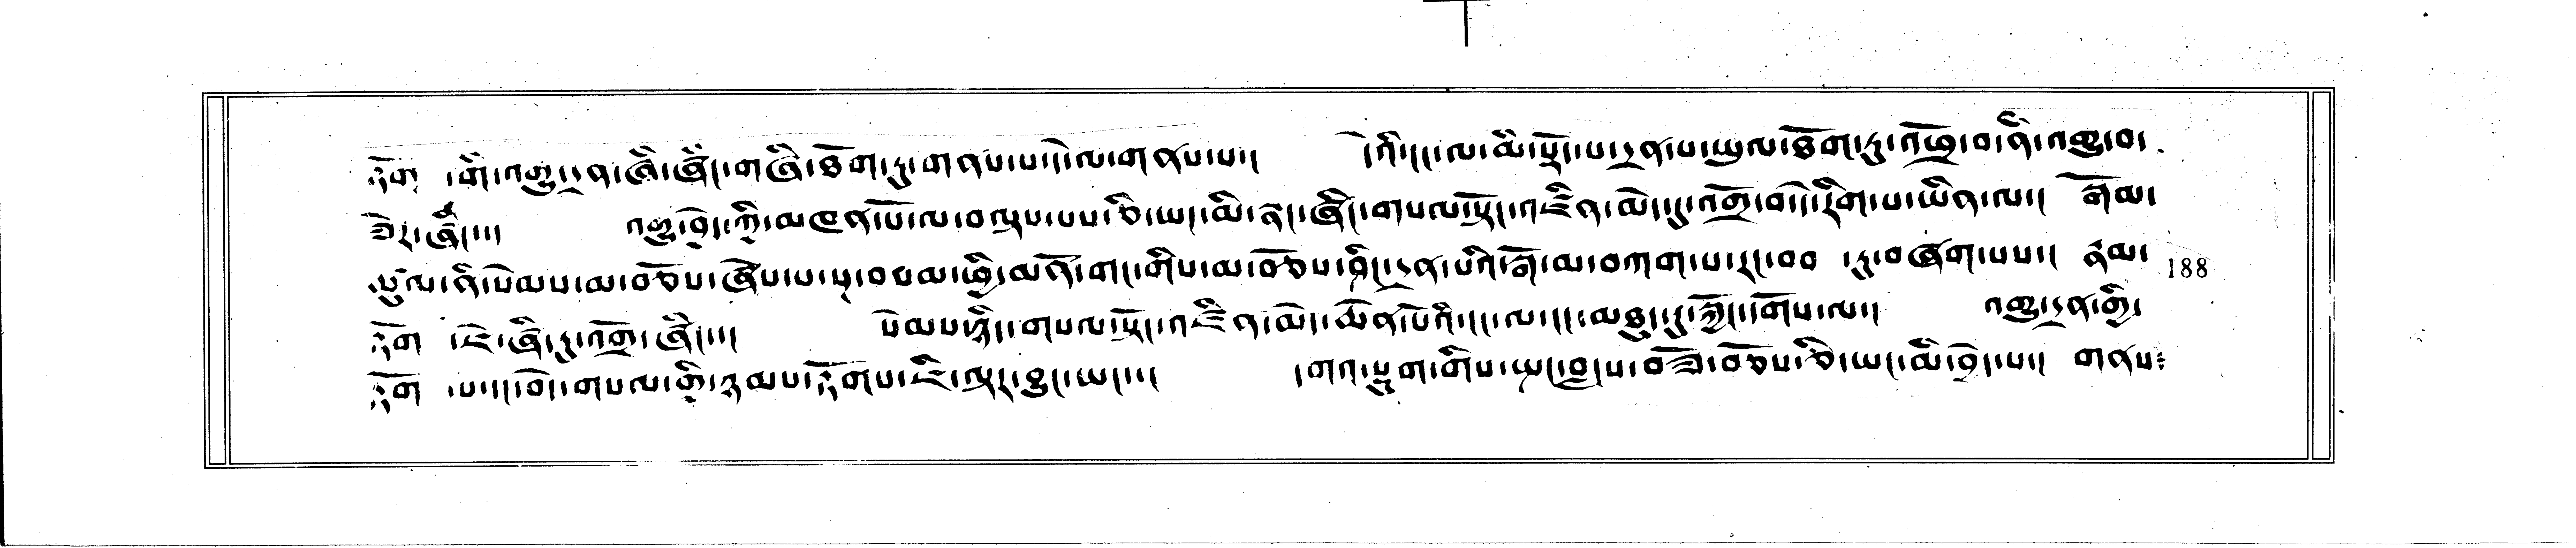རྟོག་གི་འགྱུ་དྲན་ཞི་ཞིང་གཞི་ཐོག་ཏུ་གནས་པ་དེ་ལ་གནས་པ། དེའི་ངང་ལ་མི་སྟོང་པ་དྲན་པ་ཡུལ་ཐོག་ཏུ་འཕྲོ་བ་ནི་འགྱུ་བ་
ཟེར་ཞིང་། འགྱུ་བྱེད་ཀྱི་མཁན་པོ་ལ་བལྟས་པས་ཅི་ཡང་མི་སྣང་ཞིང་གསལ་སྟོང་འཛིན་མེད་དུ་འགྲོ་བ་དེ་རིག་པ་ཡིན་ལ། སྒོམ་
ཚུལ་ནི་སེམས་མ་བཅོས་ཞེས་པ་སྔ་བསམ་ཕྱི་མནོ་གང་གིས་མ་བཅོས་ཤིང་དྲན་པའི་སྒོ་མ་བཀག་པ་རང་བབས་སུ་བཞག་པས། རྣམ་
རྟོག་ཇེ་ཞི་རུ་འགྲོ་ཞིང་། སེམས་ཉིད་གསལ་སྟོང་འཛིན་མེད་ཆེན་པོའི་ངང་ལ་ངང་མཐུད་དུ་སྐྱོང་དགོས་ལ། འགྱུ་དྲན་གྱི་
རྟོག་པ་དང་བདེ་གསལ་གྱི་ཉམས་རྟོག་ཅི་ལྟར་བྱུང་ཡང་། དགའ་སྡུག་གི་སྤང་བླང་བཟོ་བཅོས་ཅི་ཡང་མི་བྱེད་པ། གནས་